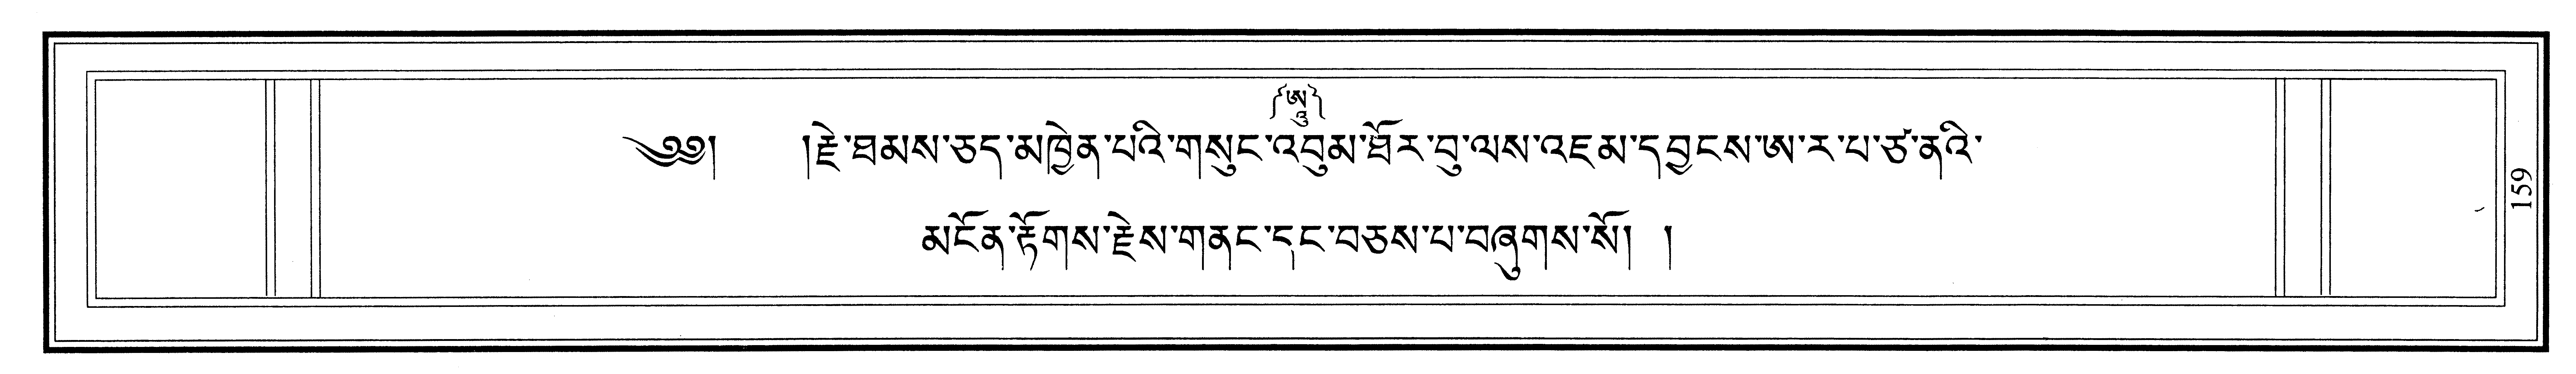༄༅། །རྗེ་ཐམས་ཅད་མཁྱེན་པའི་གསུང་འབུམ་ཐོར་བུ་ལས་འཇམ་དབྱངས་ཨ་ར་པ་ཙ་ནའི་
མངོན་རྟོགས་རྗེས་གནང་དང་བཅས་པ་བཞུགས་སོ། །